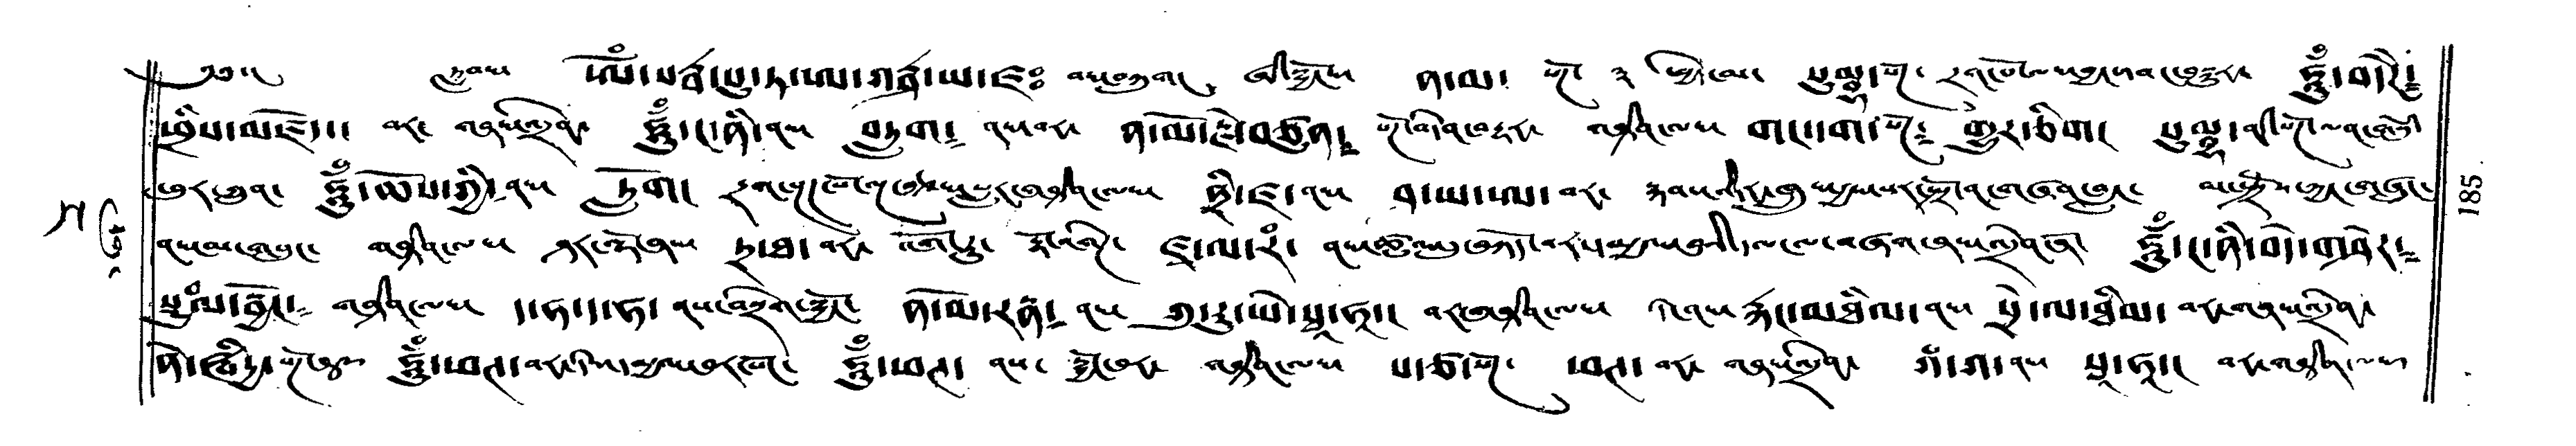བ རླབ། ཨོཾ་སརྦ་བྷུ་ཏ་ཨ་ཀརྴ་ཡ་ཛ༔ བར་བཀུག ཞི་སྦྱོང། ན་མ༴ སོགས་ལན་གསུམ་ཕྱེད་མ། སུམྦྷ༴ སོགས། དྲག་པོ་ལས་བྱང་དབང་བསྐུར། ཧཱུྃ། བདེ་གཤེགས༴ 
ཕྲིན་ལས་མཛོད༔ བར། གནས་འདྲེན། ཧཱུྃ༔ ང་ནི། ནས། བརླག༔ བར། ན་མོ། རྗེ་བཙུན༴ སོགས་བདེན་བརྡར། གཤིན་ལས། གང་དག༴ སོགས། གྱུར་ཅིག༔ བར། སུམྦྷ་ནི་སོགས་ལན་གསུམ། 
ཕུར་ཐུན། ཧཱུྃ༔ ཆོས་ཀྱི༴ ནས། རློགས༔ དྲག་སྔགས་སོ་ལྔ་བཅས། སླར་གཤིན་ལས། ནྲི་ཛ། ནས། ཤ་ཡ་ཨ༔ བར། སྐབས་འདིར་ཁྲུས་རྒྱས་པར་སྤྲོ་ན་གཞན་ནས་བླང་། མ་སྤྲོས་ཀྱང་གཞུང་
ནས་མ་གསུངས། གཤིན་ལས། ཤར༴ལྷོ། ནས། ཏྲ་ཐ༔ བར། འོག་ཏུ་རྡོ་འགེགས། ཛྭ་ལ་རཾ༔ ནས་ཚུལ་དུ་བཀོད་བར་དམྱལ་བའི་དལ་ལ་བཞག་ནས་འདྲེན་ནོ། ཧཱུྃ༔ ང་ནི་བདེ་གཤེགས༴ 
སྡུག་བསྔལ་སྦྱོང༔ གཤིན་ལས། ད་ཧ་ད་ཧ༴ ནས་སྲེག་སྦྱོང་། ན་མོ་རཏྣ༴ ནས། ཀུ་རུ་ཡེ་སྭ་ཧཱ༔ བར་གཤིན་ལས། དེ་ནས། རྐང་མཐིལ༴ ནས། པྲེ་ལ་ཐིམ། བར་གནས་འདྲེན། 
ནེ་ཝིདྱ༴ སོགས་ནས། ཧཱུྃ་ཕཊ༔ བར་དེས་དམྱལ་བར་སོང་། ཧཱུྃ་ཕཊ༴ ནས། སྦྱོང་བར། གཤིན་ལས། པ་ཙ༴ སོགས། ཕཊ༔ བར། གནས་འདྲེན ། ཀཾ་ཀ༴ ནས། སྭ་ཧཱ༔ བར། གཤིན་ལས་